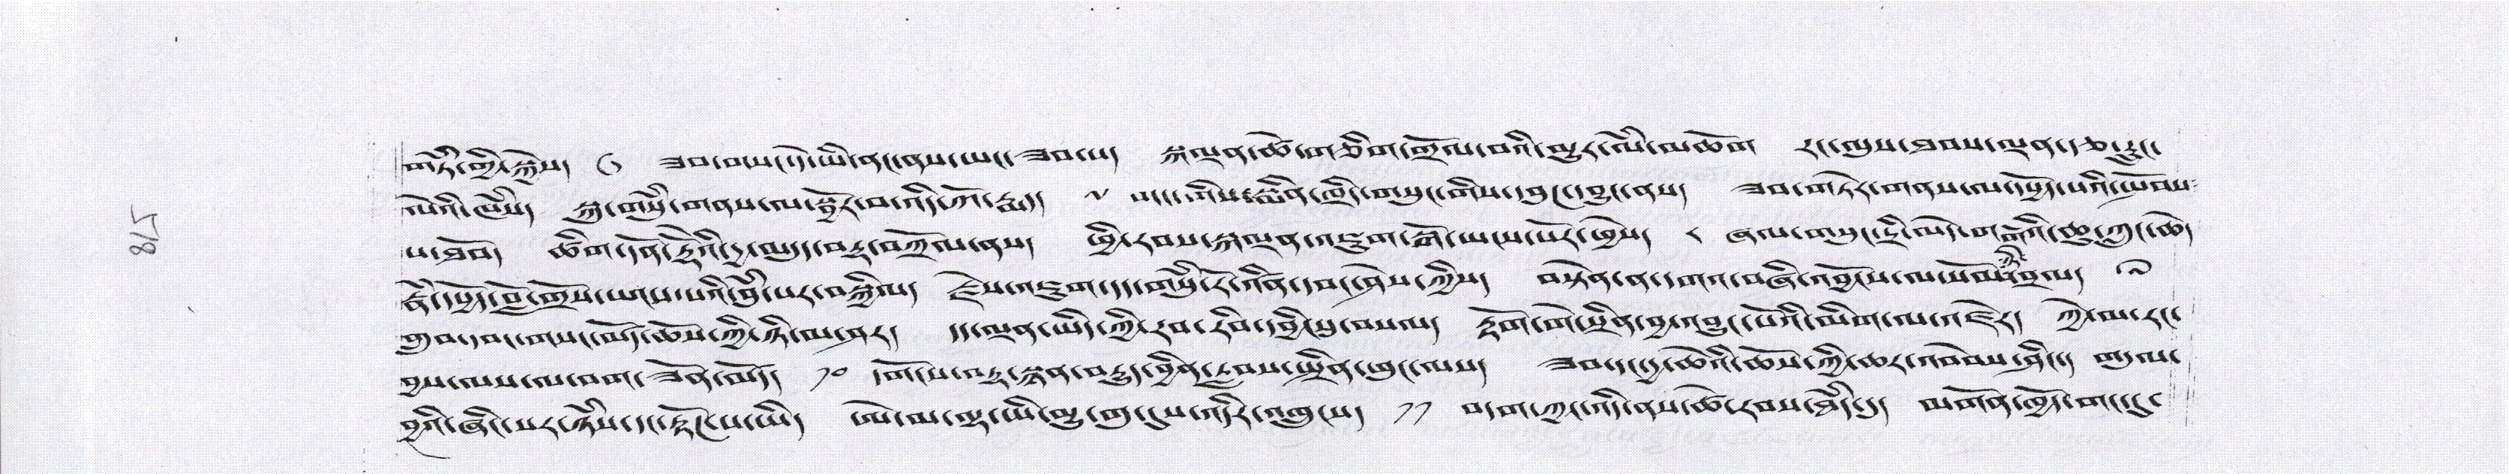གཏམ་གྱི་སྐྱེས།། ༦ ཟབ་གསང་དེ་ཡི་ནང་ནས་ཡང་ཟབ་པ། སྐལ་ལྡན་ཚེ་གཅིག་གྲོལ་བའི་མྱུར་ལམ་མཆོག །རང་ལུས་ཐབས་ལྡན་རྩ་རླུང་
མེའི་ཁམས། །སྐུ་གསུམ་གནས་ལ་སྦྱོར་བ་འདི་ཀོ་རྨད།། ༧ གང་གིས་སྨིན་ཁྲིད་གསུང་གི་དབུགས་དབྱུང་ནས། །ཟབ་གཏེར་གནས་ལ་སྤྱོད་པའི་སྤོབས་
པ་ཐོབ། །ཚིག་དོན་རྡོ་རྗེའི་རྒྱ་མདུད་བརྡ་བཀྲོལ་ནས། །ཕྱི་རབས་སྐལ་ལྡན་མཇུག་སྒོ་ཡངས་པོར་ཕྱེས།། ༨ ཞལ་གསུང་དྲི་མེད་གངྒའི་ཆུ་ཀླུང་ཆེ། །
རྣམ་དཔྱོད་བློ་གྲོས་ཡངས་པའི་བུམ་པར་བསྐྱིལ། །རྗེས་འཇུག་དད་གསུམ་རོ་འཛིན་དབང་ཤེས་ཀྱིས། །བསྟེན་ན་དགའ་བཞི་འབྱོངས་ལ་སོམ་ཉི་བྲལ།། ༩ 
གྲུབ་དབང་གསང་མཛོད་ཆོས་ཀྱི་ཉི་མ་ཤར། །དད་ལྡན་ཡིད་ཀྱི་རབ་རིབ་དབྱིངས་སུ་གསལ། །རྟོག་གེ་སྲིན་བྱ་འབྱུང་པོའི་མིག་ལ་འཛེར། །ཀྱེ་མ་རང་
བྱས་ལས་ལ་བག་ཟོན་མཛོད།། ༡༠ དགོངས་བརྡ་སྙན་བརྒྱུད་བྱིན་རླབས་སྤྲིན་ཕུང་ལས། །ཟབ་དང་རྒྱ་ཆེའི་ཆོས་ཀྱི་ཆར་འབེབས་ཤིང་། །གདུལ་
བྱའི་ཞིང་སར་ཉམས་དང་རྟོགས་པ་ཡི། །ཨེ་མ་ལྷ་ཡི་མྱུ་གུ་དུས་འདིར་འཁྲུངས།། ༡༡ བདག་ཀྱང་འདི་ནི་ཚེ་རབས་ཐམས་ཅད་དུ། །མགོན་ཁྱོད་གང་དུ་